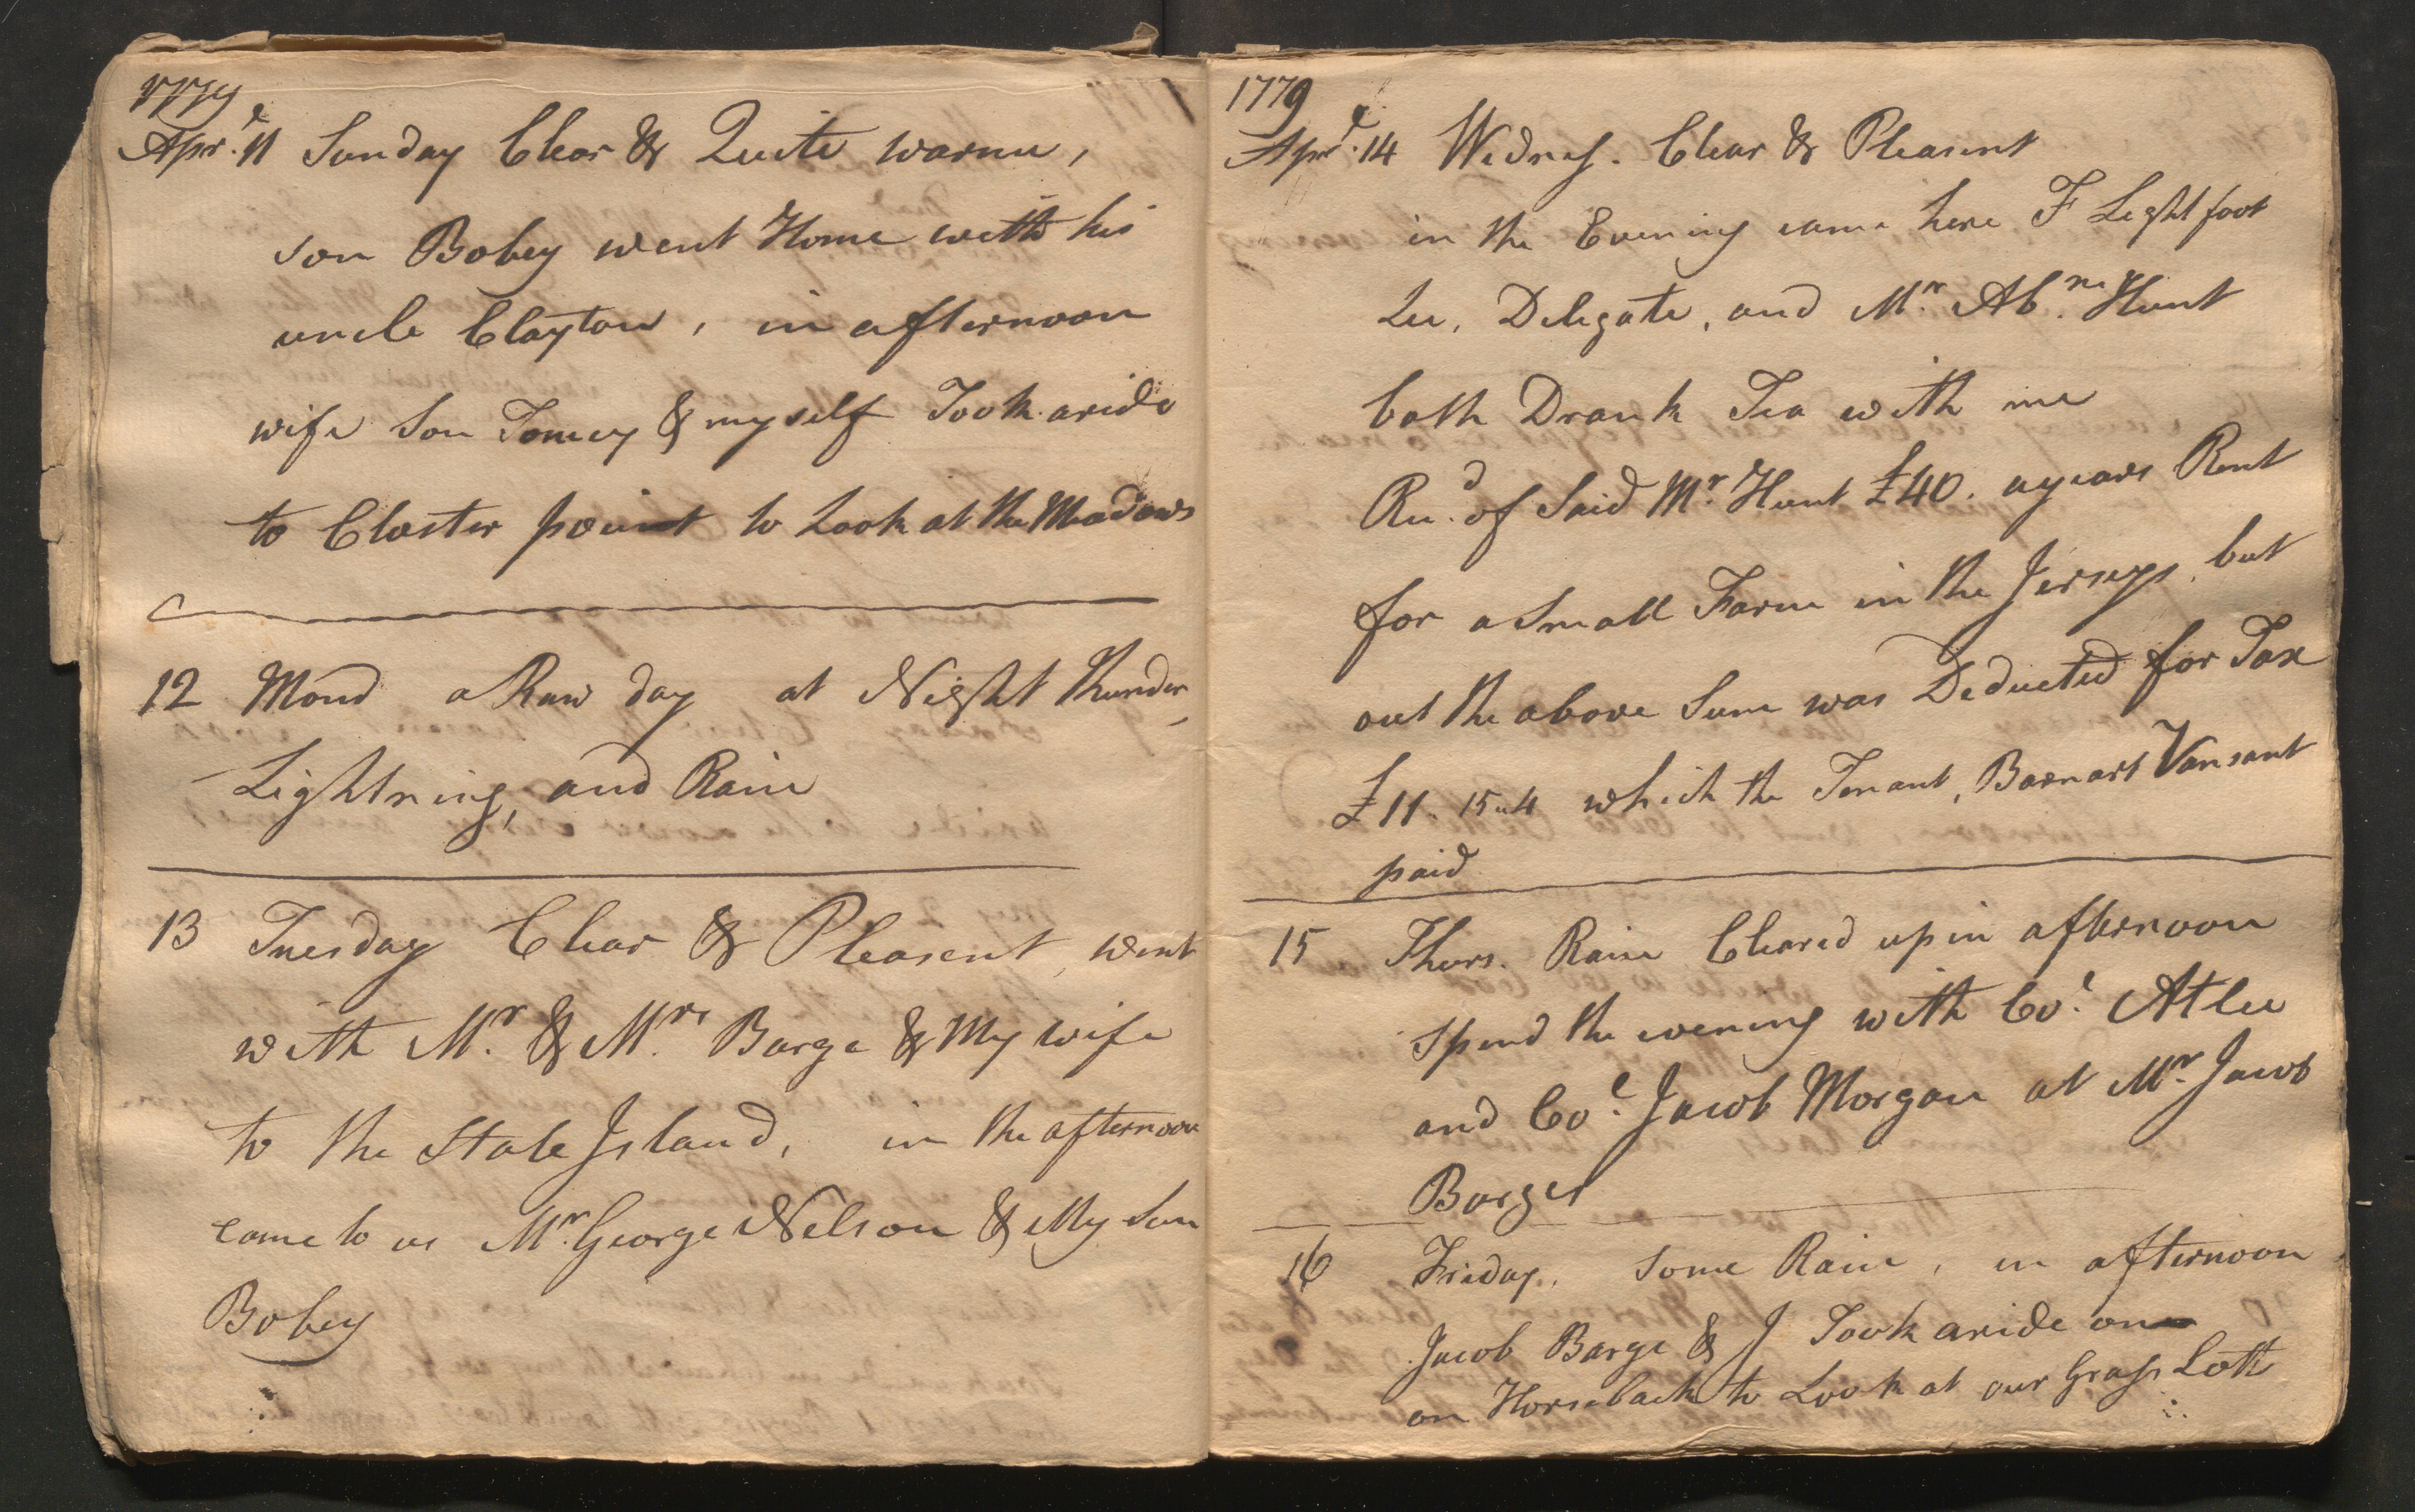1779
Apr^l. 11 Sunday Clear & Quite warme,
son Bobey went Home with his
unile Clayton, in afternoon
wife Son Tomey & myself Took a ride
to Closter point to Look at the Meadows
12 Mond a Raw day at Night thunder
Lightning, and Rain
13 Tuesday Clear & Pleasent went
with M^r. & M^rs. Barge & My wife
to the State Island, in the afternoon
come to as M^r George Nelson & My Son
Bobey
1779
Apr^l. 14 Wednes. Clear & Pleasent
in the Evening came here F Lightfoot
Lee, Delegate, and M^r. Ab^m. Hunt
both Drank Tea with me
Recd. of Said M^r. Hunt £40. a years Rent
for a small Farme in the Jerseys but
out the above Sum was Deducted for Tax
£11.15..4 which the Tenant, Barnart Vansant
paid
15 Thurs Rain Cleased up in afternoon
spend the evening with Co^l. Atlee
and Co^l. Jacob Morgan at M^r. Jacob
Barges
16 Friday. Some Rain, in afternoon
Jacob Barge & I Took a ride on[_]
on Horse back to Look at our Grass Lotts